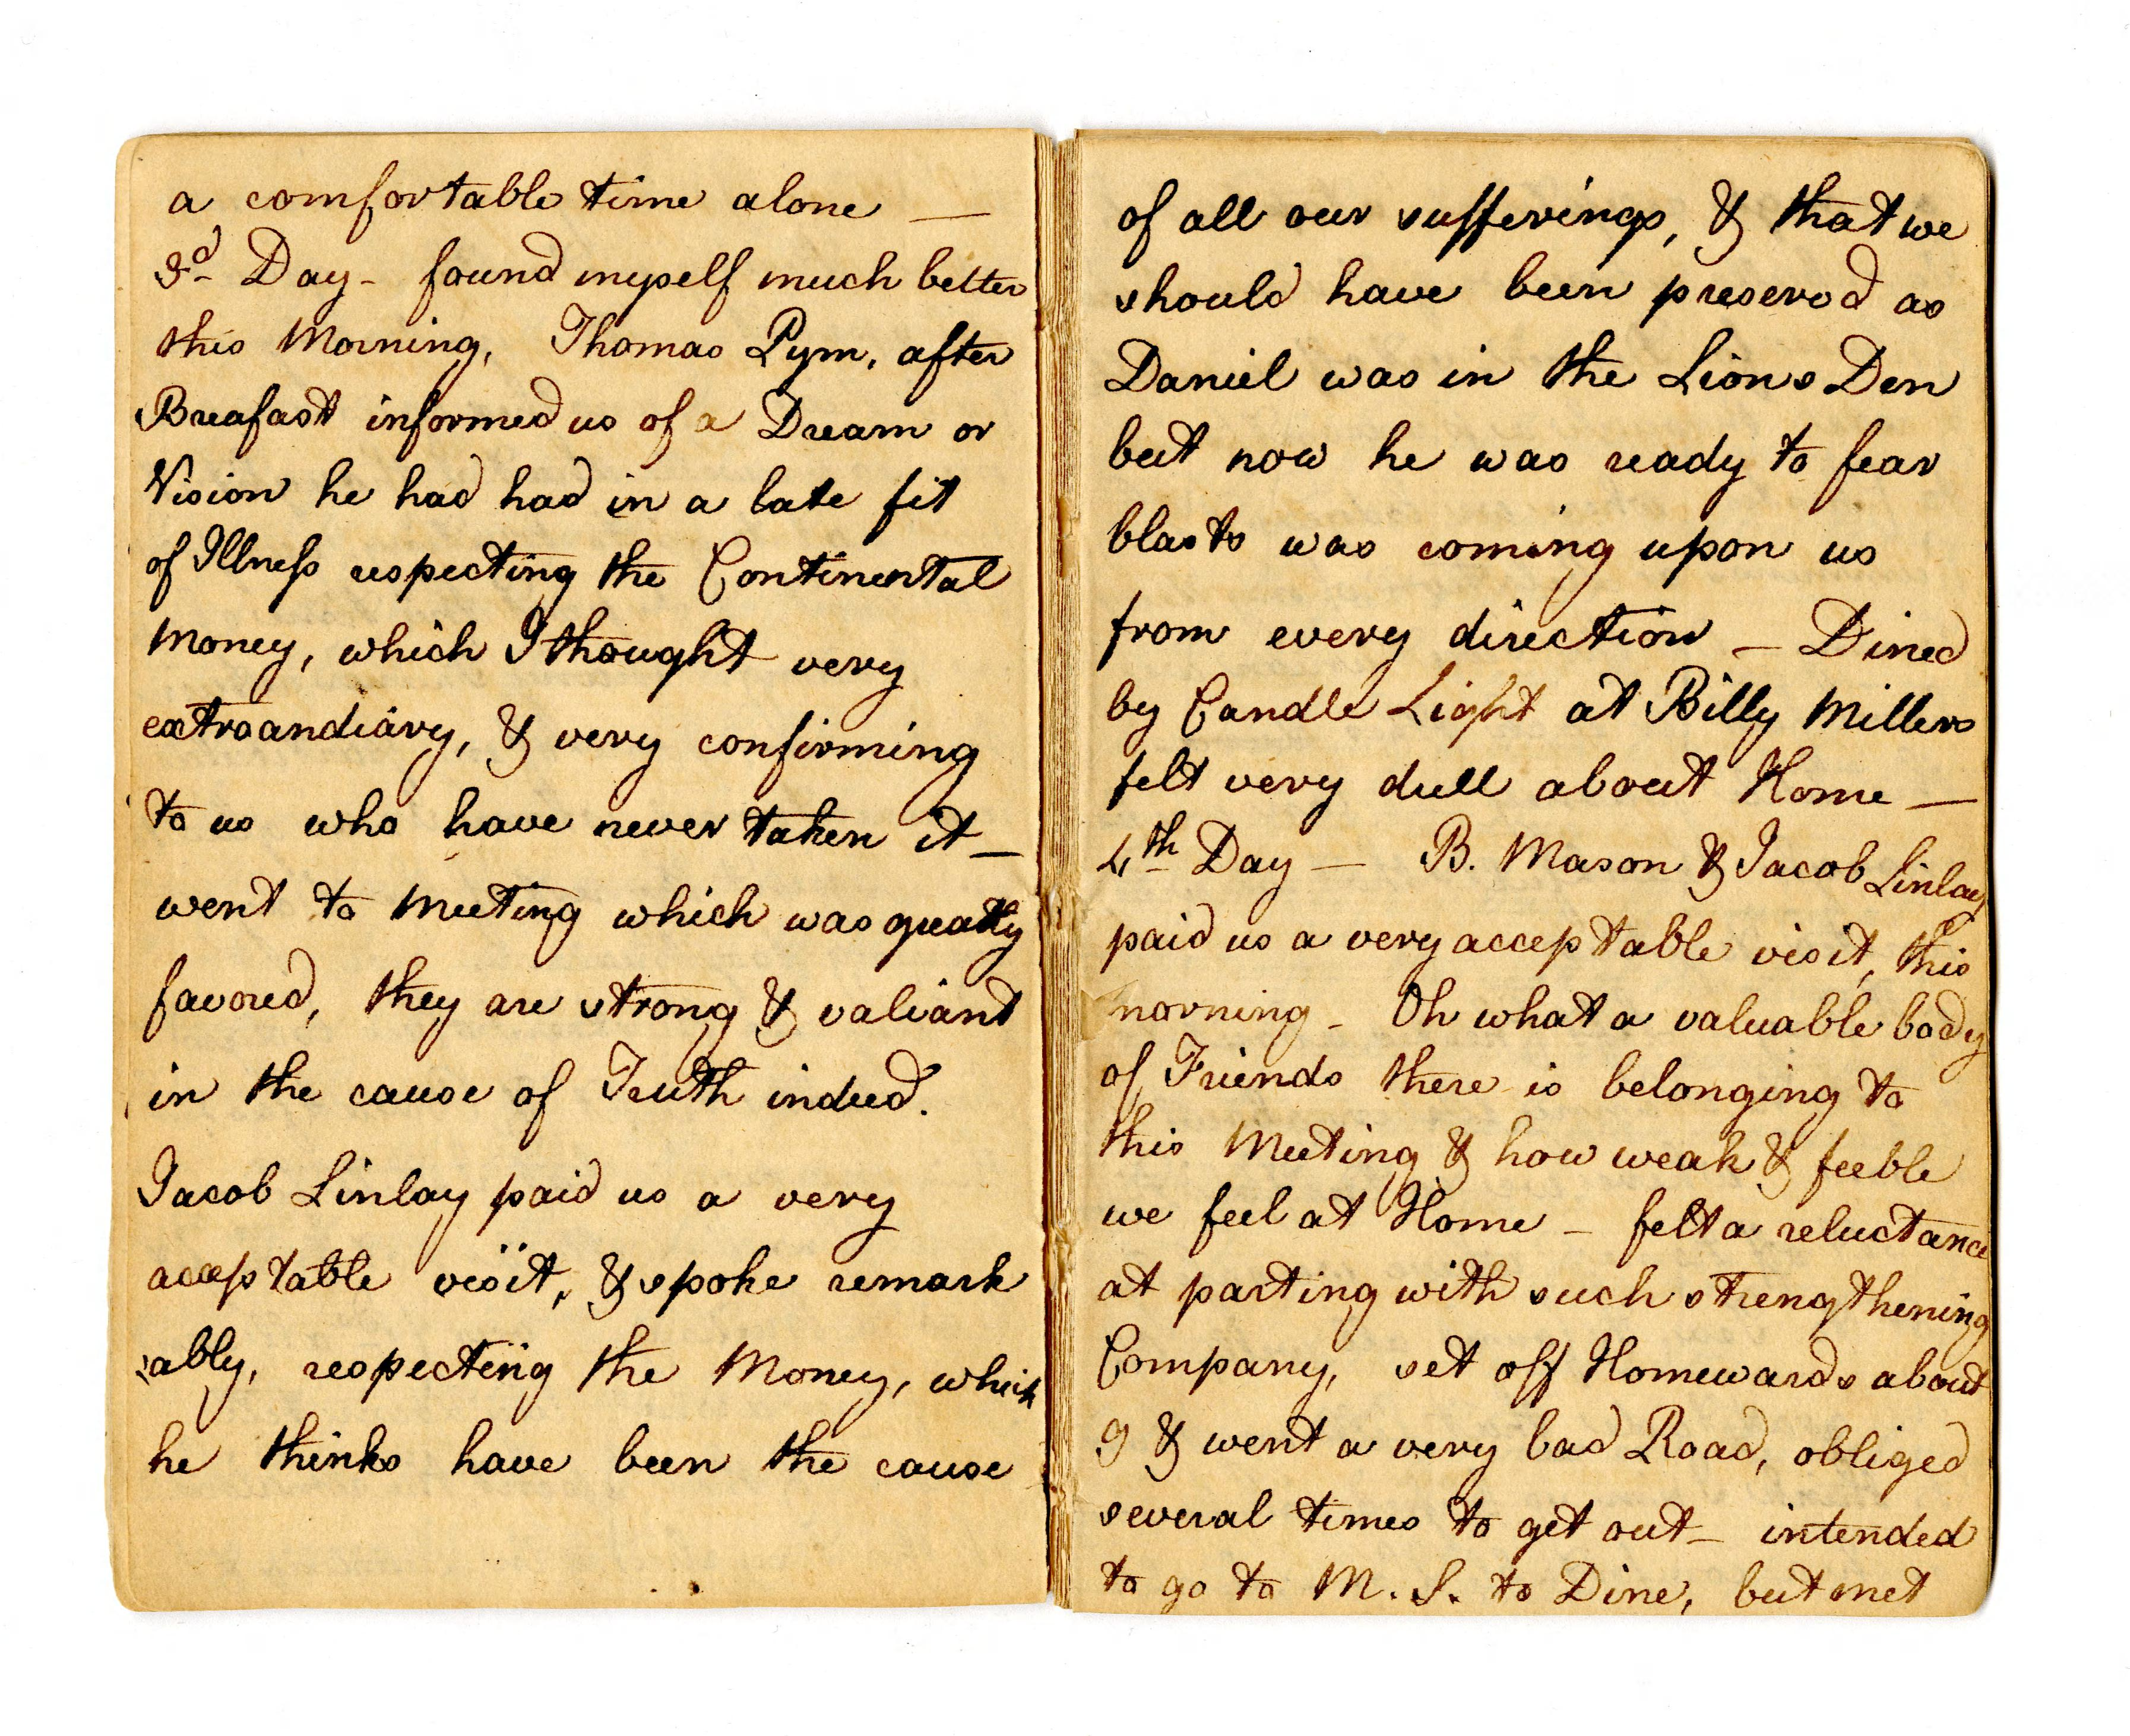a comfortable time alone -
3^d Day- found myself much better
this Morning, Thomas Pym, after
Breafast informed us of a Dream or
Vision he had had in a late fit
of Illness respecting the Continental
Money, which I thought very
extroandiary, & very confirming
to us who have never taken it-
went to Meeting which was greatly
favored, they are strong & valiant
in the cause of Truth indeed.
Jacob Linlay paid us a very
acceptable visit, & spoke remark
-ably, respecting the Money, which
he thinks have been the cause
of all our sufferings, & that we
should have been preseved as
Daniel was in the Lions Den
but now he was ready to fear
blasts was coming upon us
from every direction- Dined
by Candle Light at Billy Millers
felt very dull about Home-
4^th Day- B. Mason & Jacob Linlay
paid us a very acceptable visit, this
[m]orning- Oh what a valuable body
of Friends there is belonging to
this Meeting & how weak & feeble
we feel at Home- felt a reluctance
at parting with such strengthening
Company, set off Homewards about
9 & went a very bad Road, obliged
several times to get out- intended
to go to M. S. to Dine, but met